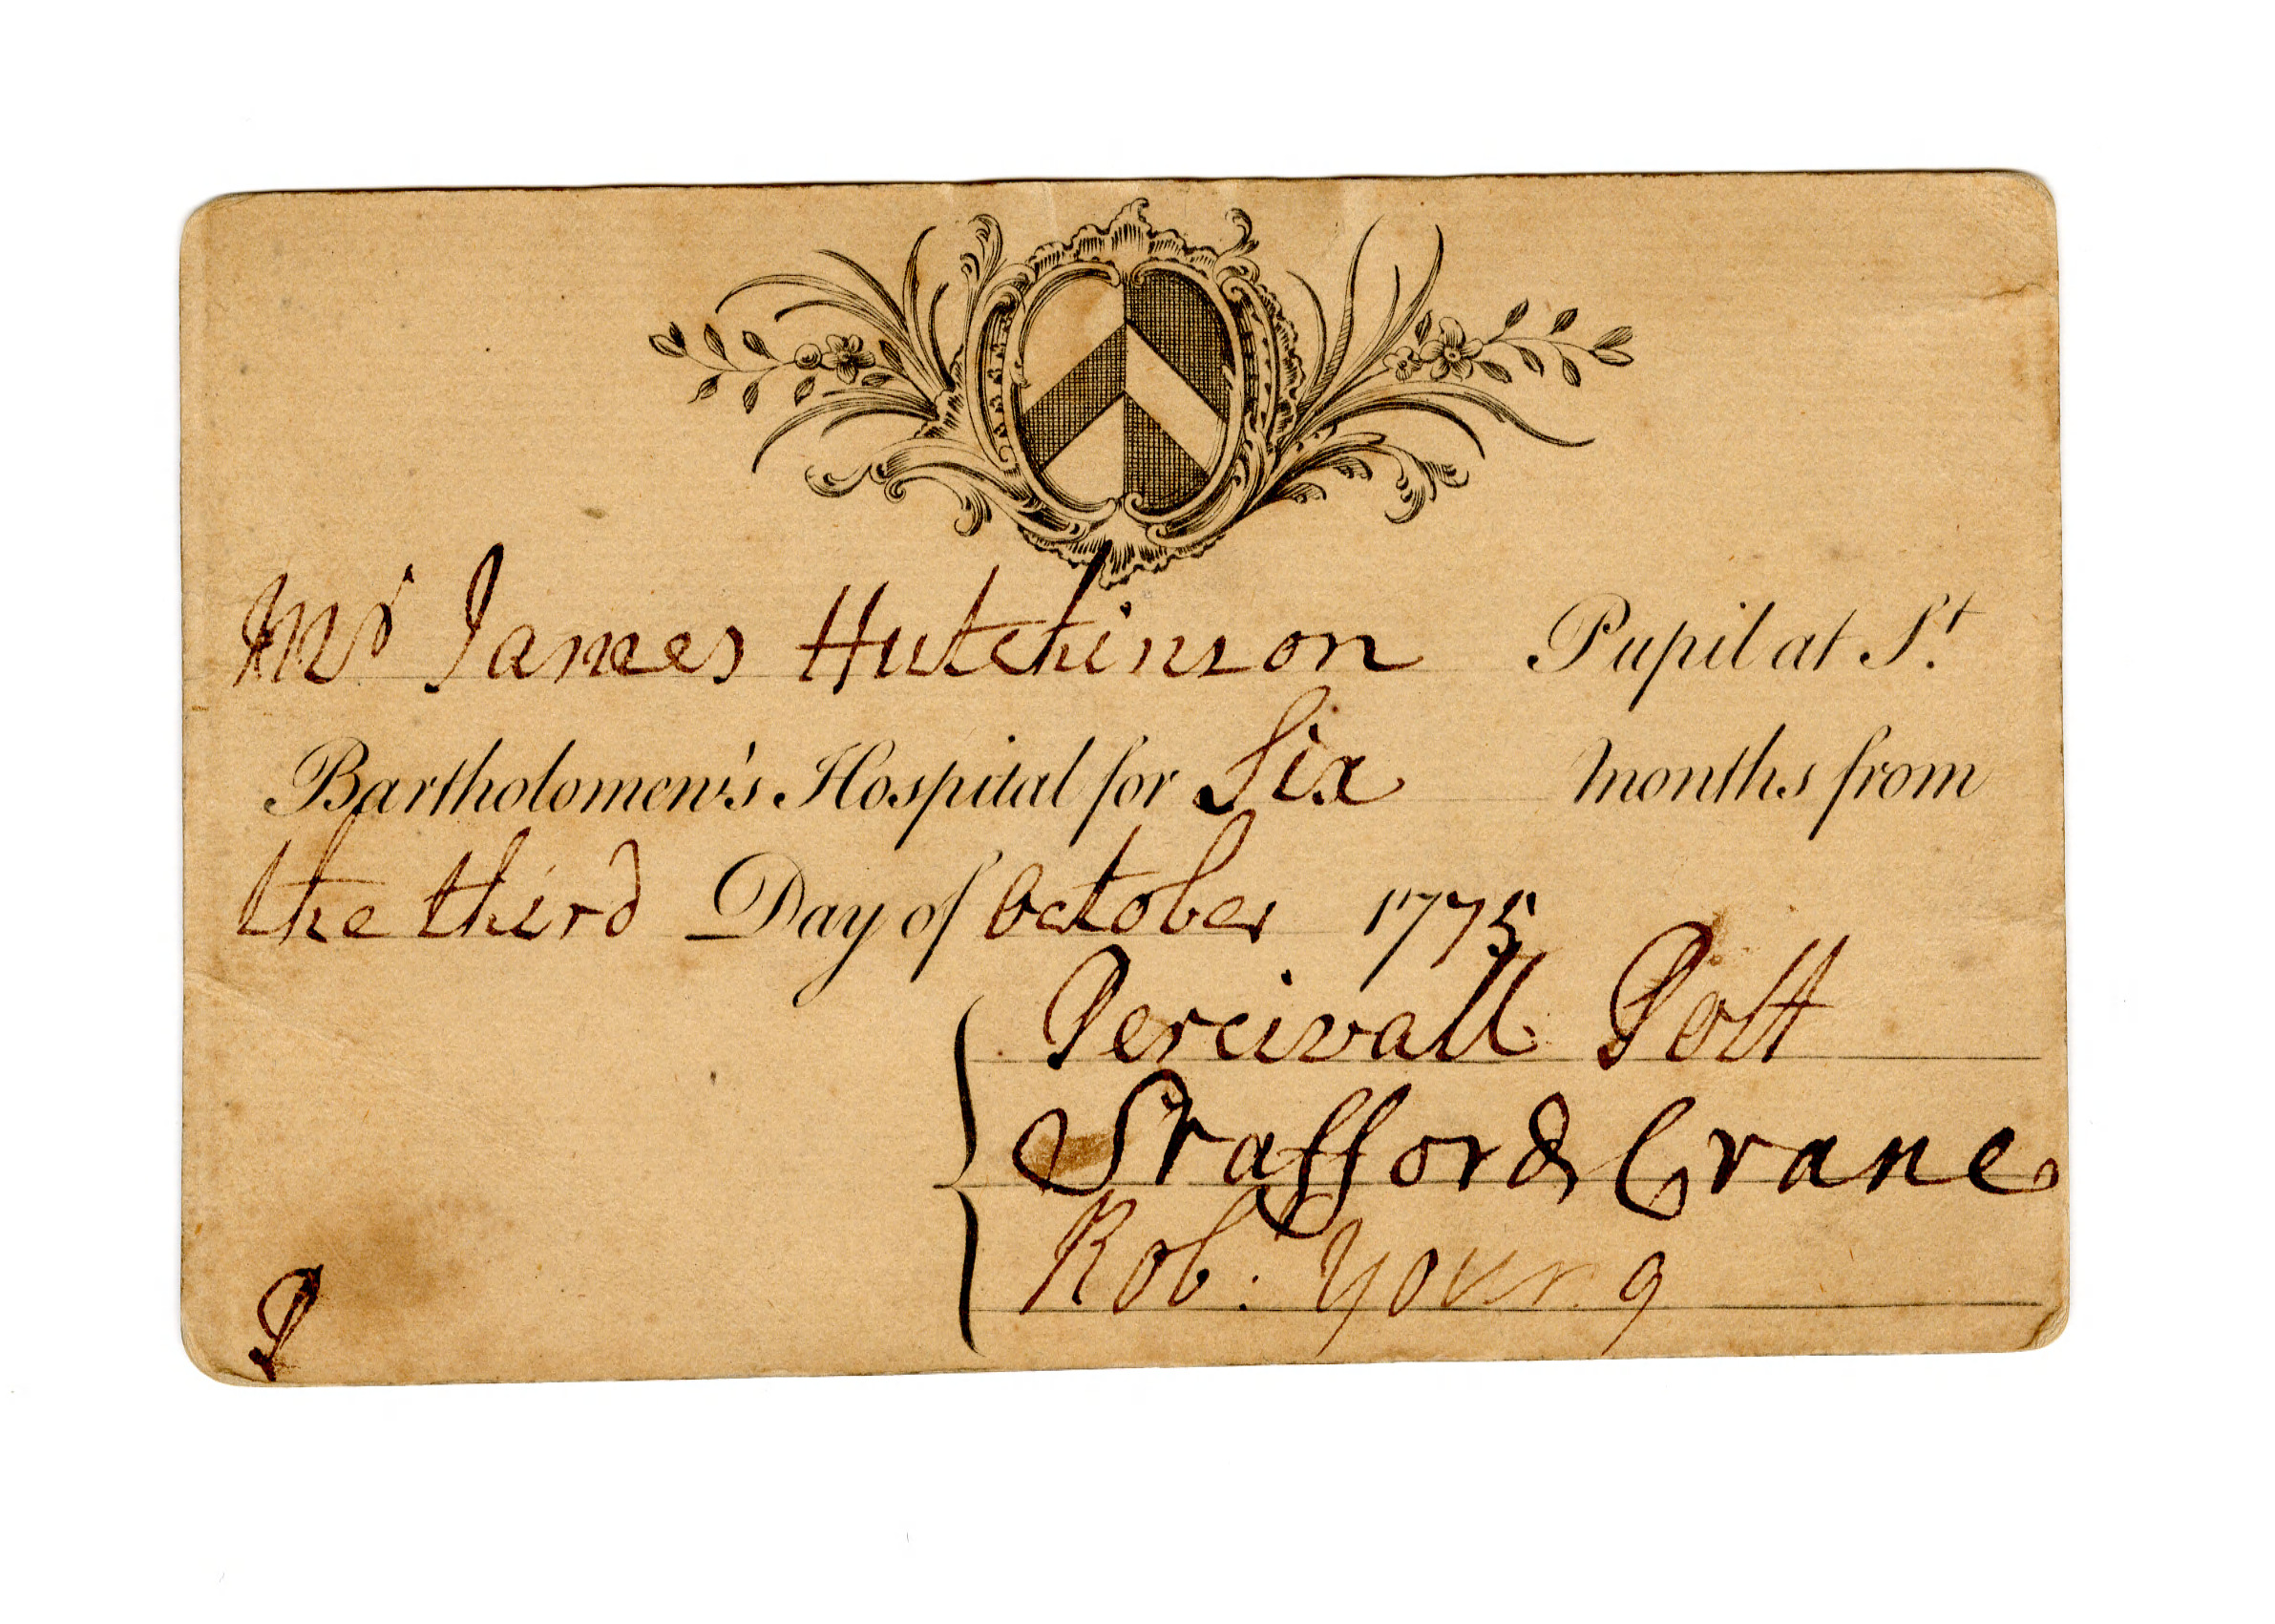M^r. James Hutchinson
Pupil at S^t.
Bartholomew's Hospital for
Six
months from
the third
Day of
October 1775
Percivall Pott
Stafford Crane
Rob: Young